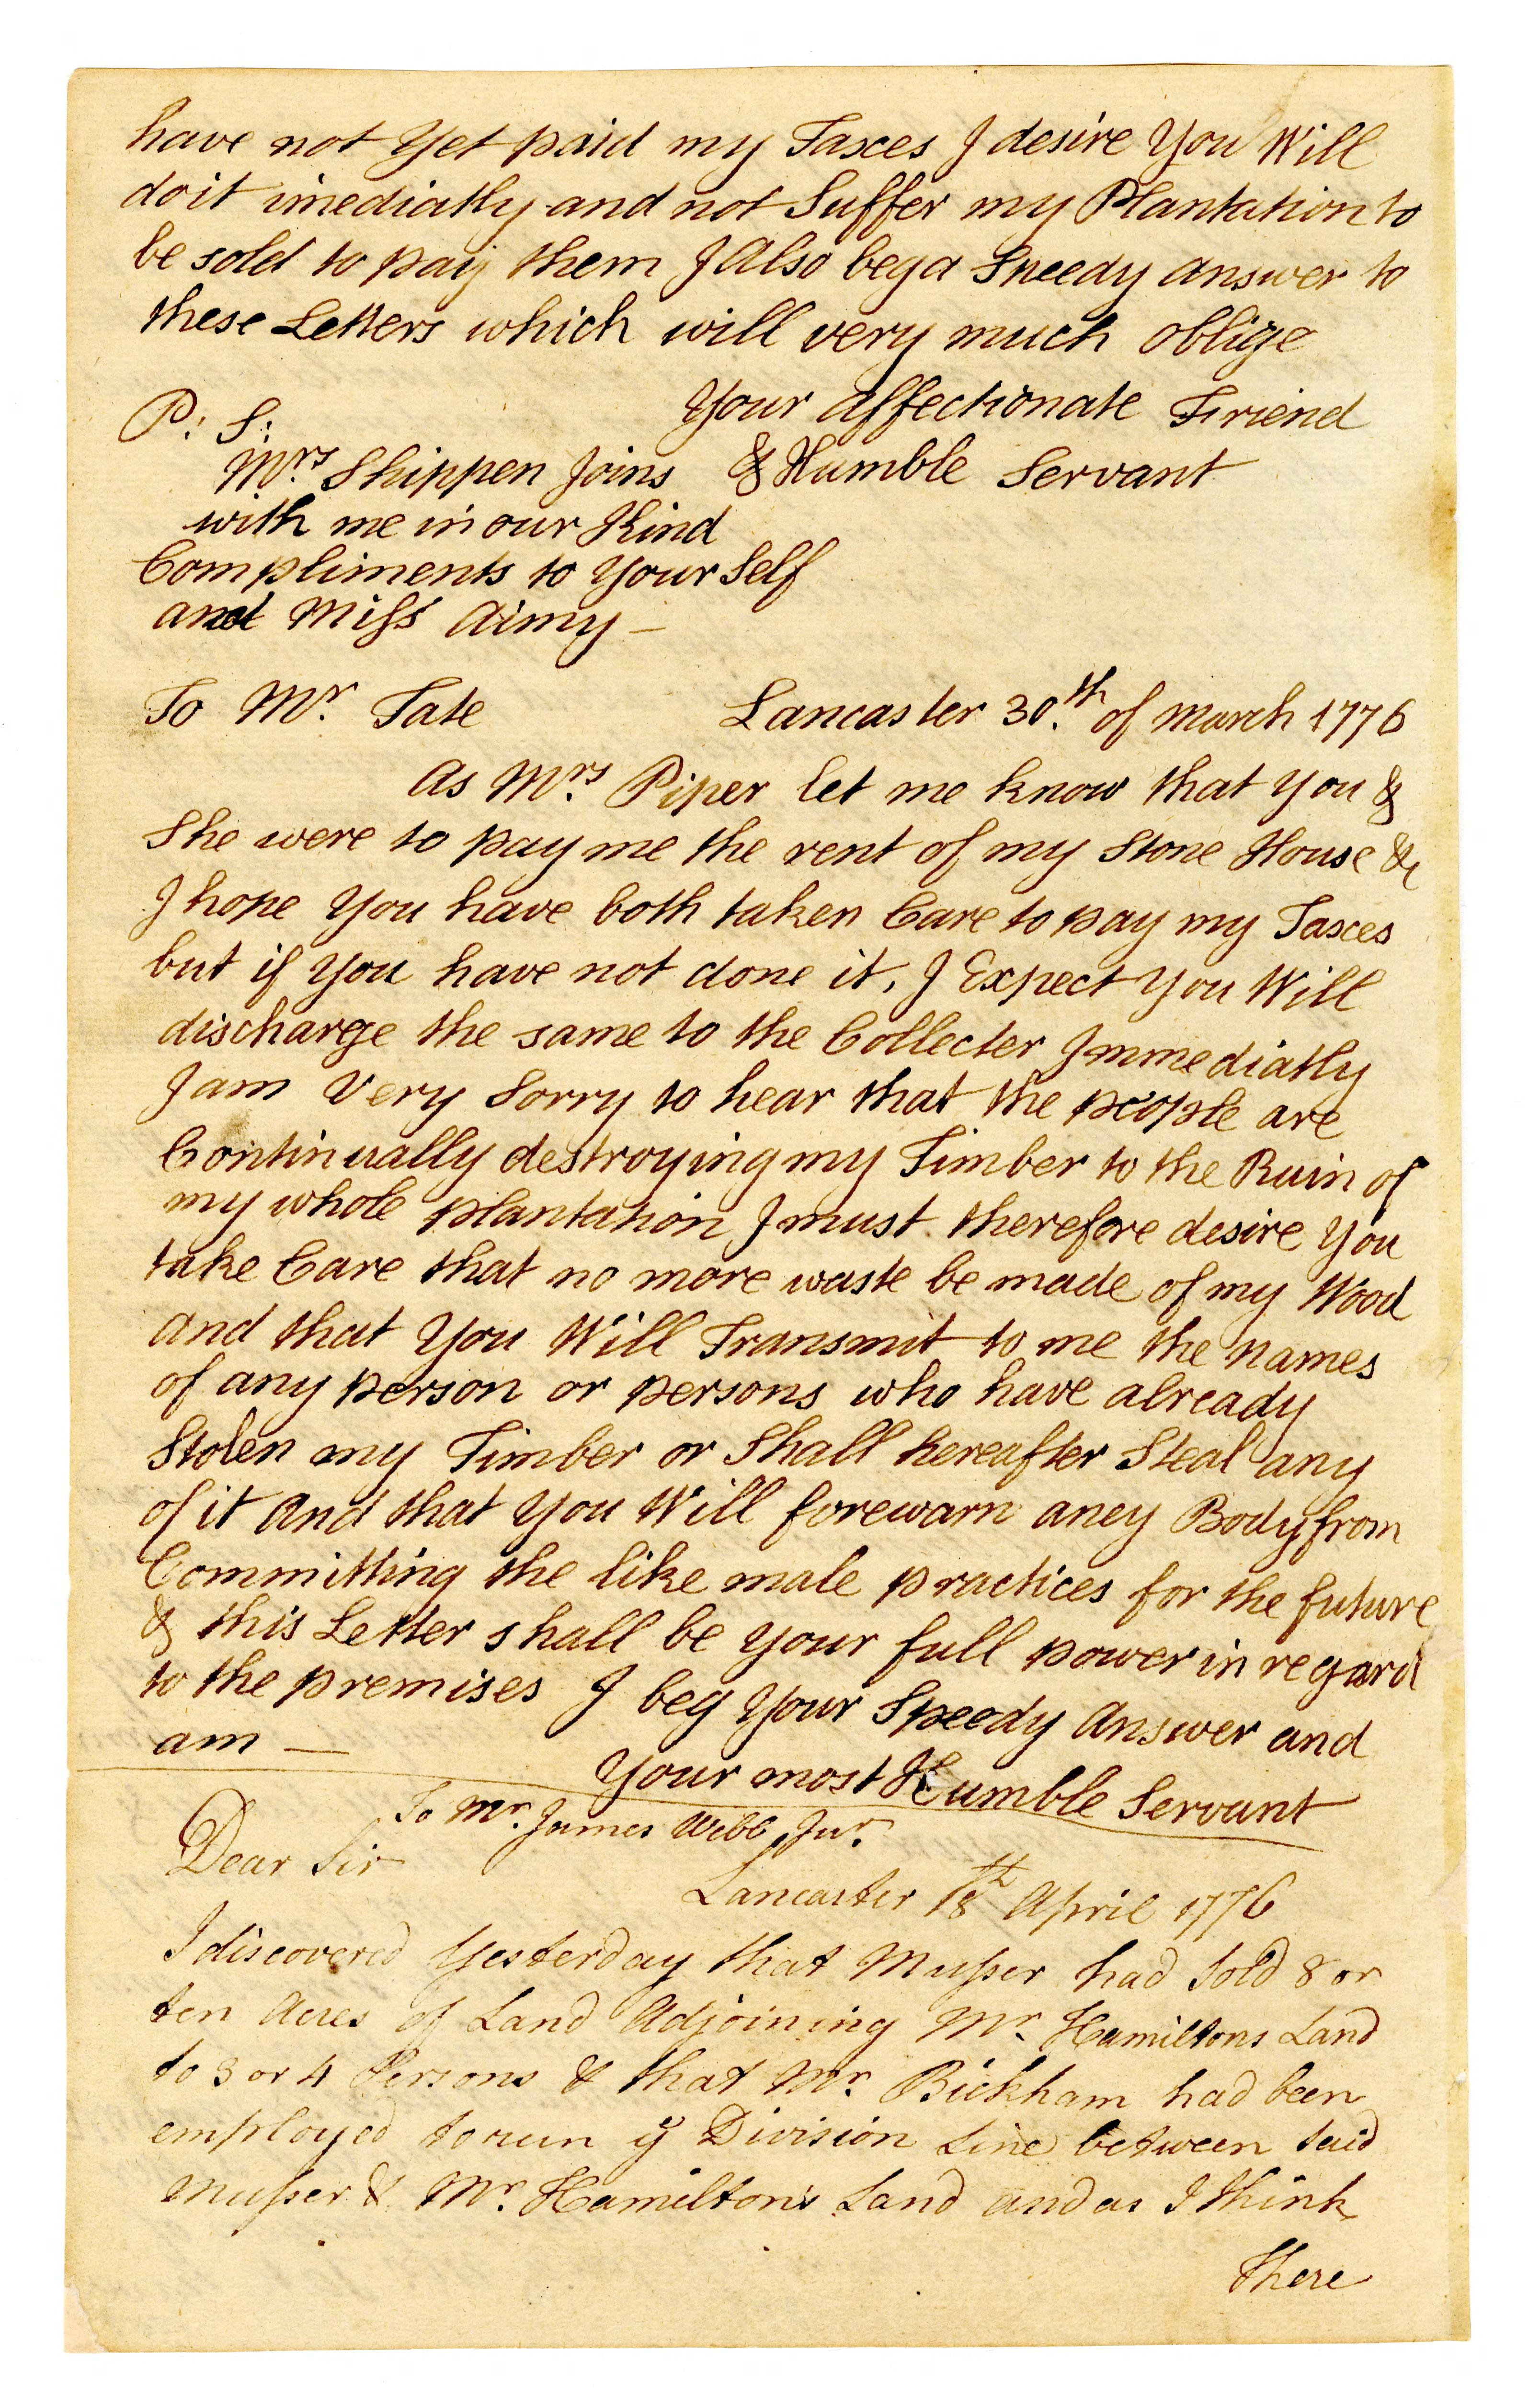have not Yet paid my Taxes I desire You Will
doit imedialty and not Suffer my Plantation to
be sold to Pay them I Also begd Speedy Answer to
these Letters which will very much oblige
Your Affectionate Freind
& Humble Servant
P:S:
M^rs. Shippen Joins
with me in our Kind
Compliments to Your Self
and Miss Aimy-
Lancaster 30^th. of March 1776
To M^r. Tate
As M^rs. Piper let me know that You &
She were to pay me the rent of my Stone House &
I hope You have both taken Care to say my Taxes
but if you have not done it, I Expect you Will
discharge the same to the Collecter Immediatly
I am very sorry to hear that the people are
Continually destroying my Timber to the Ruin of
my whole plantation I must therefore desire You
take Care that no more waste be made of my Wood
and that You Will Transmit to me the Names
of any person or persons who have already
Stolen my Timber or Shall hereafter Steal any
of it And that You Will forewarn aney Body from
Committing the like male practices for the future
& this Letter shall be Your full power in regard
to the premises I beg Your Speedy Answer and
am-
Your most Humble Servant
To M^r. James Webb Ju^r.
Dear Sir
Lancaster 18^th April 1776
I discovered Yesterday that Musser had sold 8 or
ten Acres of Land Adjoining M^r. Hamiltons Land
to 3 or 4 Persons & that M^r. Bickham had been
employed do run y^e Division Line between said
Musser & M^r. Hamilton's Land and as I think
there